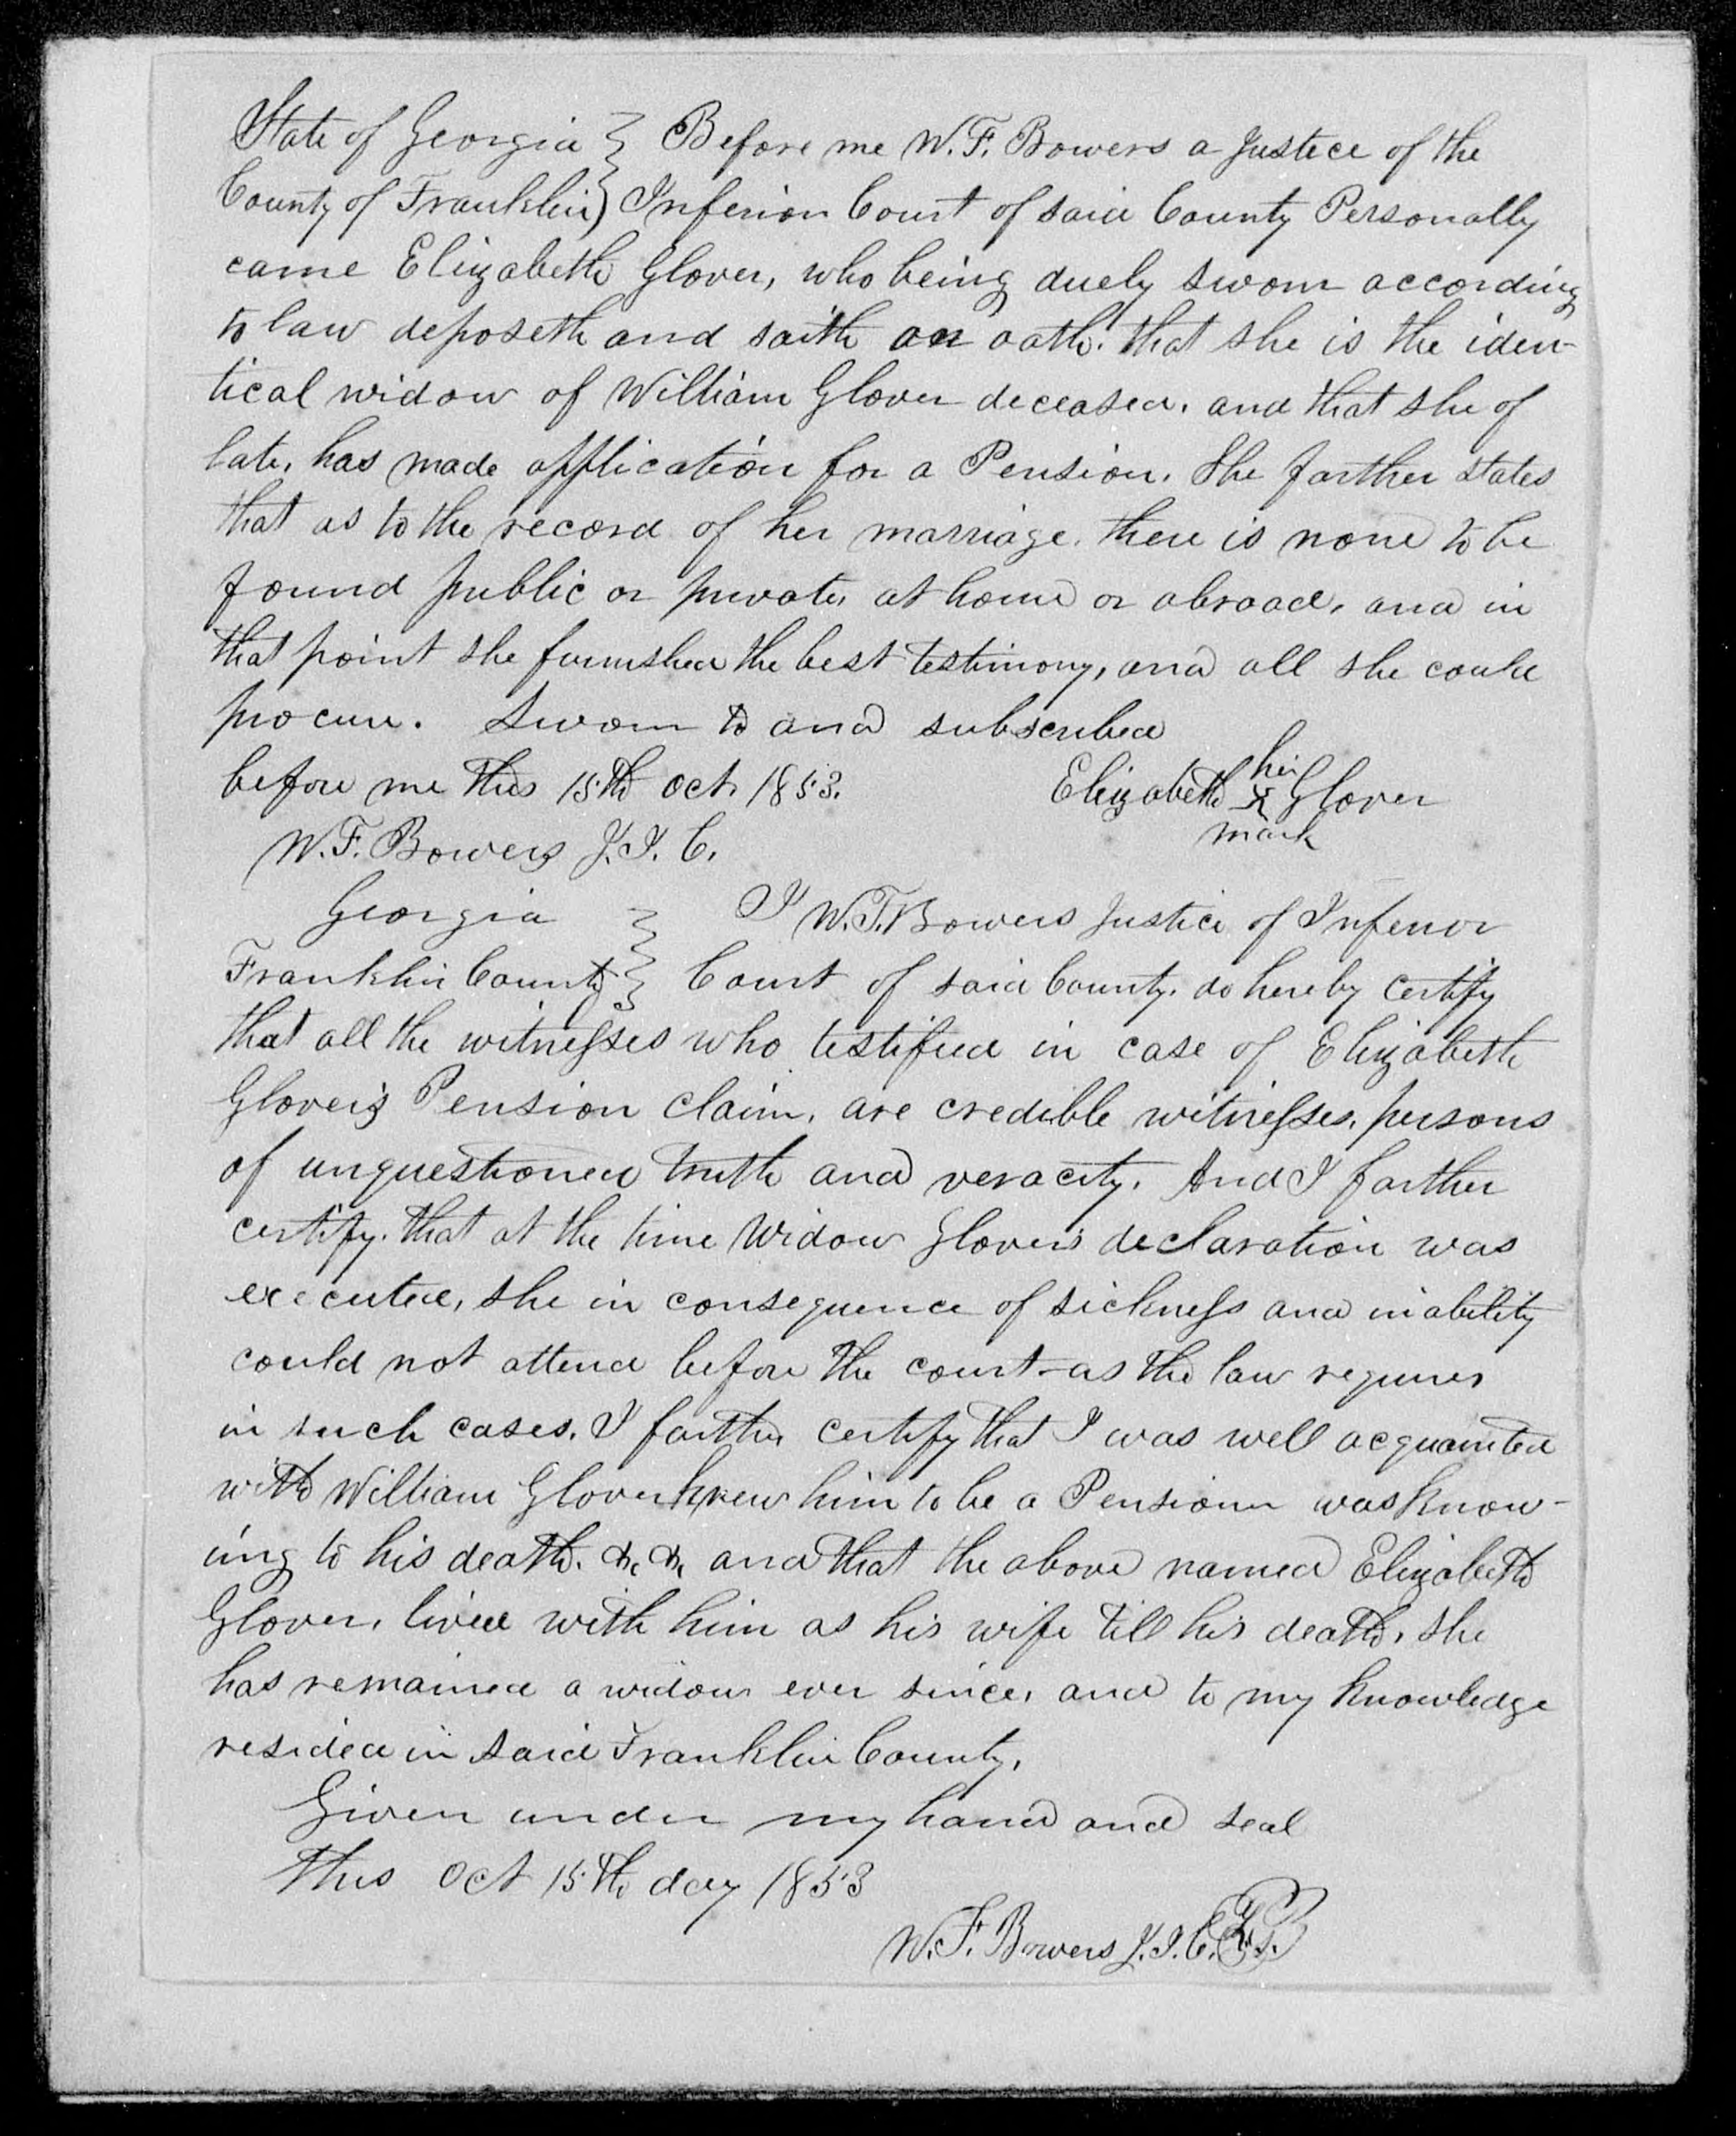State of Georgia}
County of Franklin}

Before me W.F. Bowers a Justice of the Inferior Court of said County Personally came Elizabeth Glover, who being duely sworn according to law deposeth and saith an oath that she is the  identical widow of William Glover deceased, and that she of late has made application for a Pension. She farther states that as to the record of her marriage, there is none to be found public or private at home or abroad and that point she furnished the best testimony, and all she could procure. Sworn to and subscribed before me this
15th Oct 1853. 
                                                 her
W.F.Bowers J.I.C.        Elizabeth ^ Glover
                                                 mark 

Georgia}
Franklin County}

I W.F. Bowers Justice of Inferior Court
of said County do hereby certify that all the witnesses who testified in case of Elizabeth Glover's Pension claim, are credible witnesses, persons of unquestioned truth and veracity. And I farther certify, that the time widow Glover's declaration was executed, she is consequence of sickenlys and in ability could not attend before the court as the law requires in such cases. I farther certify that I was well acquainted with William Glover knew him to be a Pensioner was knowing to his death. {illegible] and that the above named Elizabeth Glover lived with him as his wife till his death. She has remained a widow ever since, and to my knowledge resided in said Franklin County. 

Given under my hand and seal
this Oct 15th day 1853

W.F. Bowers J.I.C.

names: Elizabeth Glover, Elizabeth Glover, W F Bowers, William Glover, W F Bowers, W F Bowers, William Glover, Elizabeth Glover, W F Bowers, Elizabeth Glover, Glover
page: 31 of 51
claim: widow's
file: W. 929, William Glover, N.C.